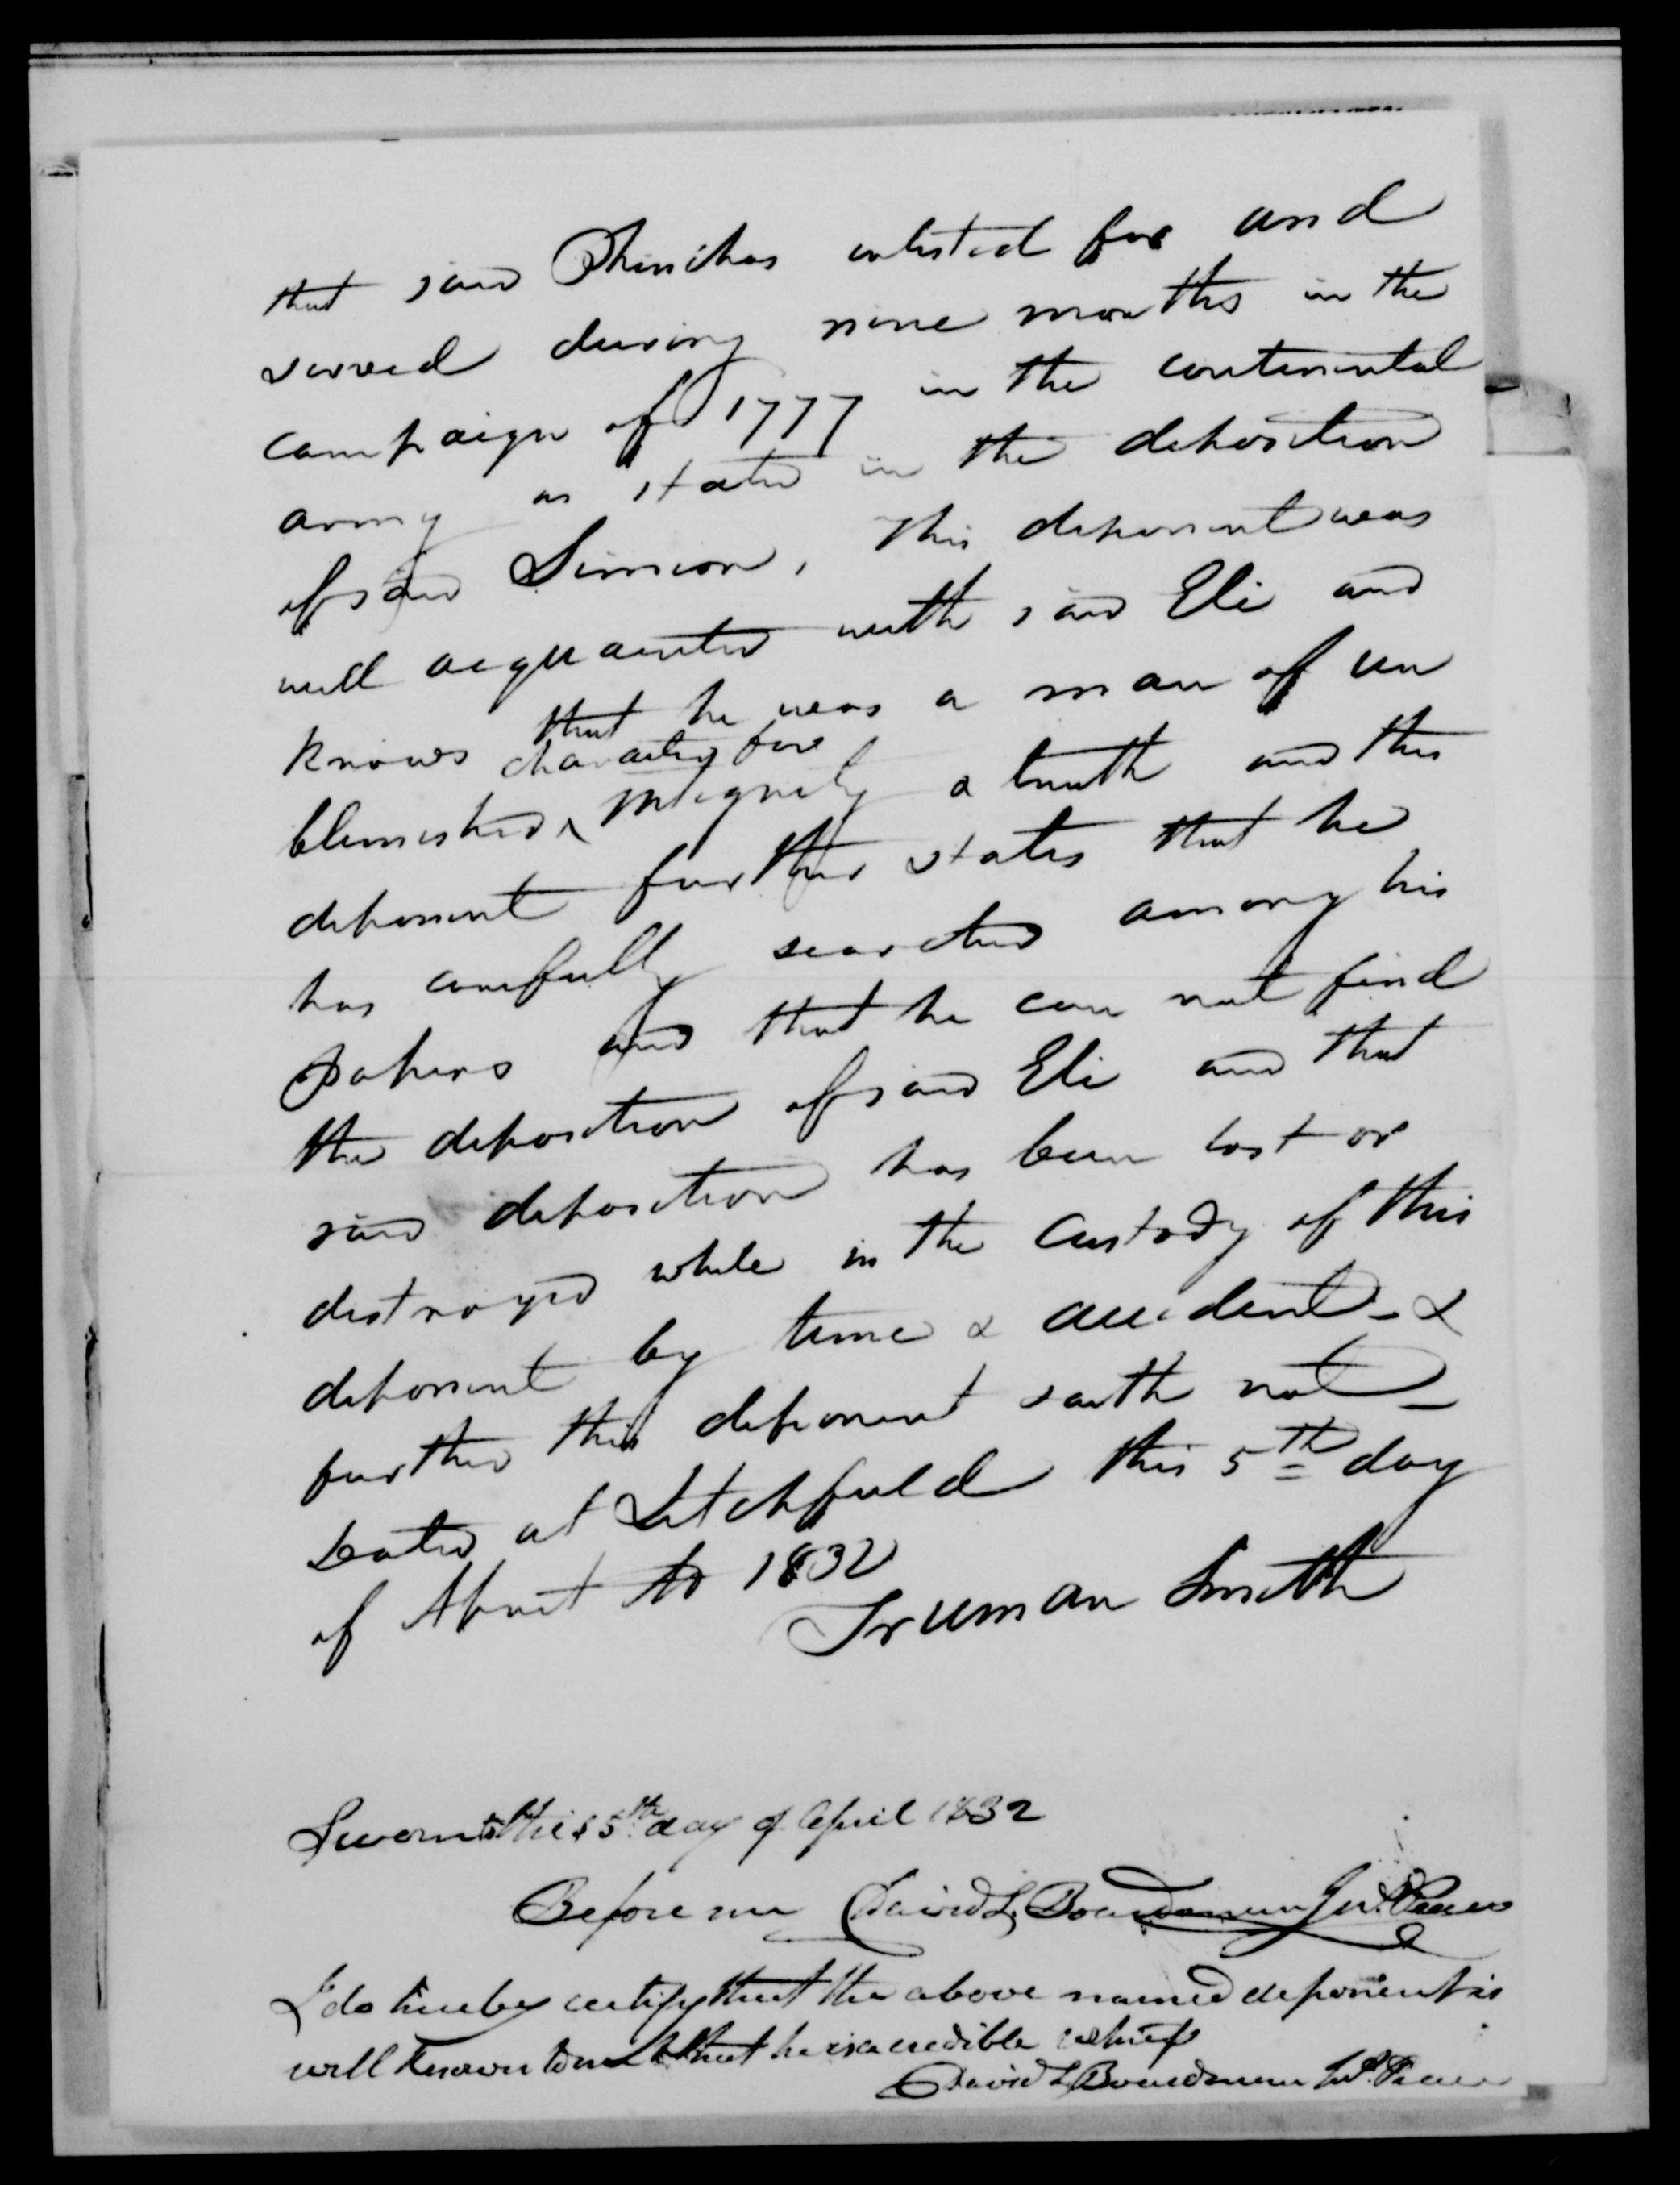that said Phinehas enlisted for and served during nine months in the campaign of 1777 in the Continental army as stated in the deposition Simeon.  This deponent was well acquainted with said Eli and that he was a man of unblemished character for  integrity & truth and this deponent further states that he has carefully searched  among his papers and he cannot find the deposition of said Eli and that deposition has been lost or destroyed while in the custody of this deponent by time & accident & further this deponent saith not.   
Dated at Litchfield this 5th day of April AD 1832 
Truman Smith 
Sworn this 5th day of April 1832 Before me David S. Boardman Just Peace 
I do hereby certify that the above named deponent is well known to me & that he is a credible witness David S. Boardman J Peace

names: Truman Smith; David S Boardman; Eli [BLANK]; Eli [BLANK]; Simeon [BLANK]; David S Boardman; Phinehas [BLANK]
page: 51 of 55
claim: widow's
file: W. 11480, for Phinehas Smith, Connecticut